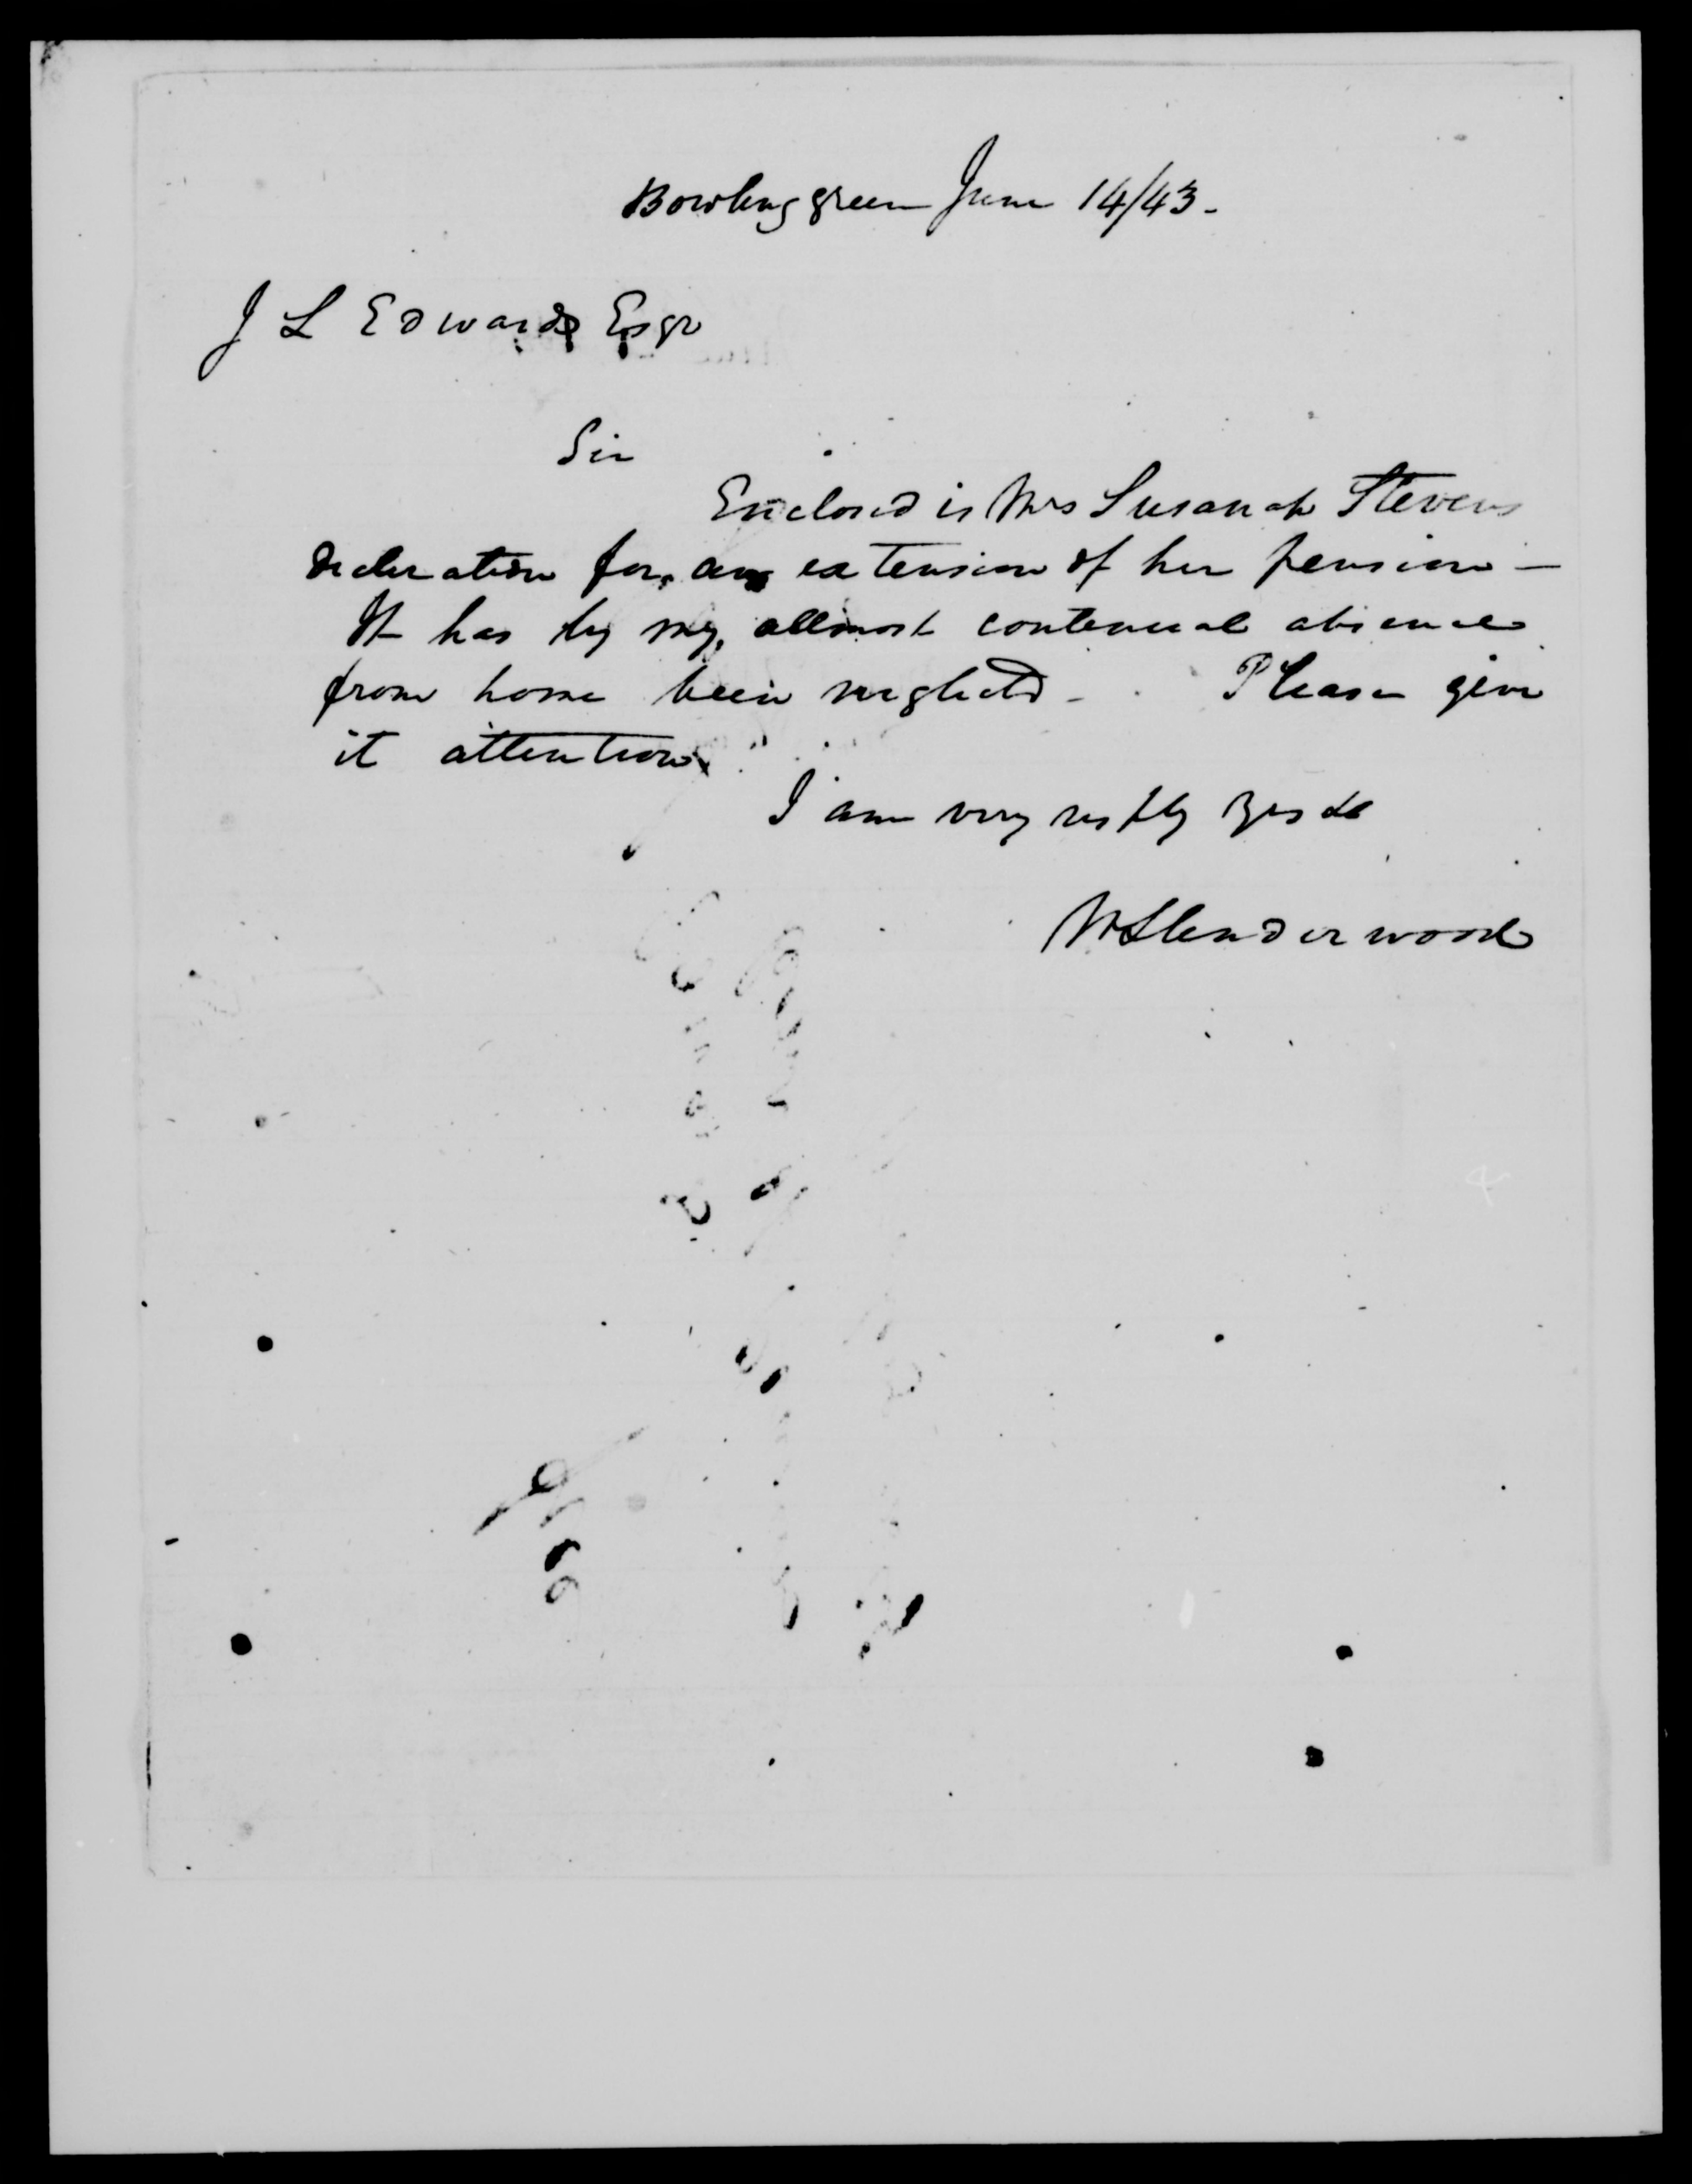Bowling green June 14/43.
J L Edwards Esqr
Sir
Enclosed is Mrs Susanah Stevens declaration for any extension of her pension - It has by my allmost continual abience from home been neglected. Please give it attention.
I am very [illegible]
N Henderwood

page: 67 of 99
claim: widow's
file: W 8766, for James Stevens, Virginia